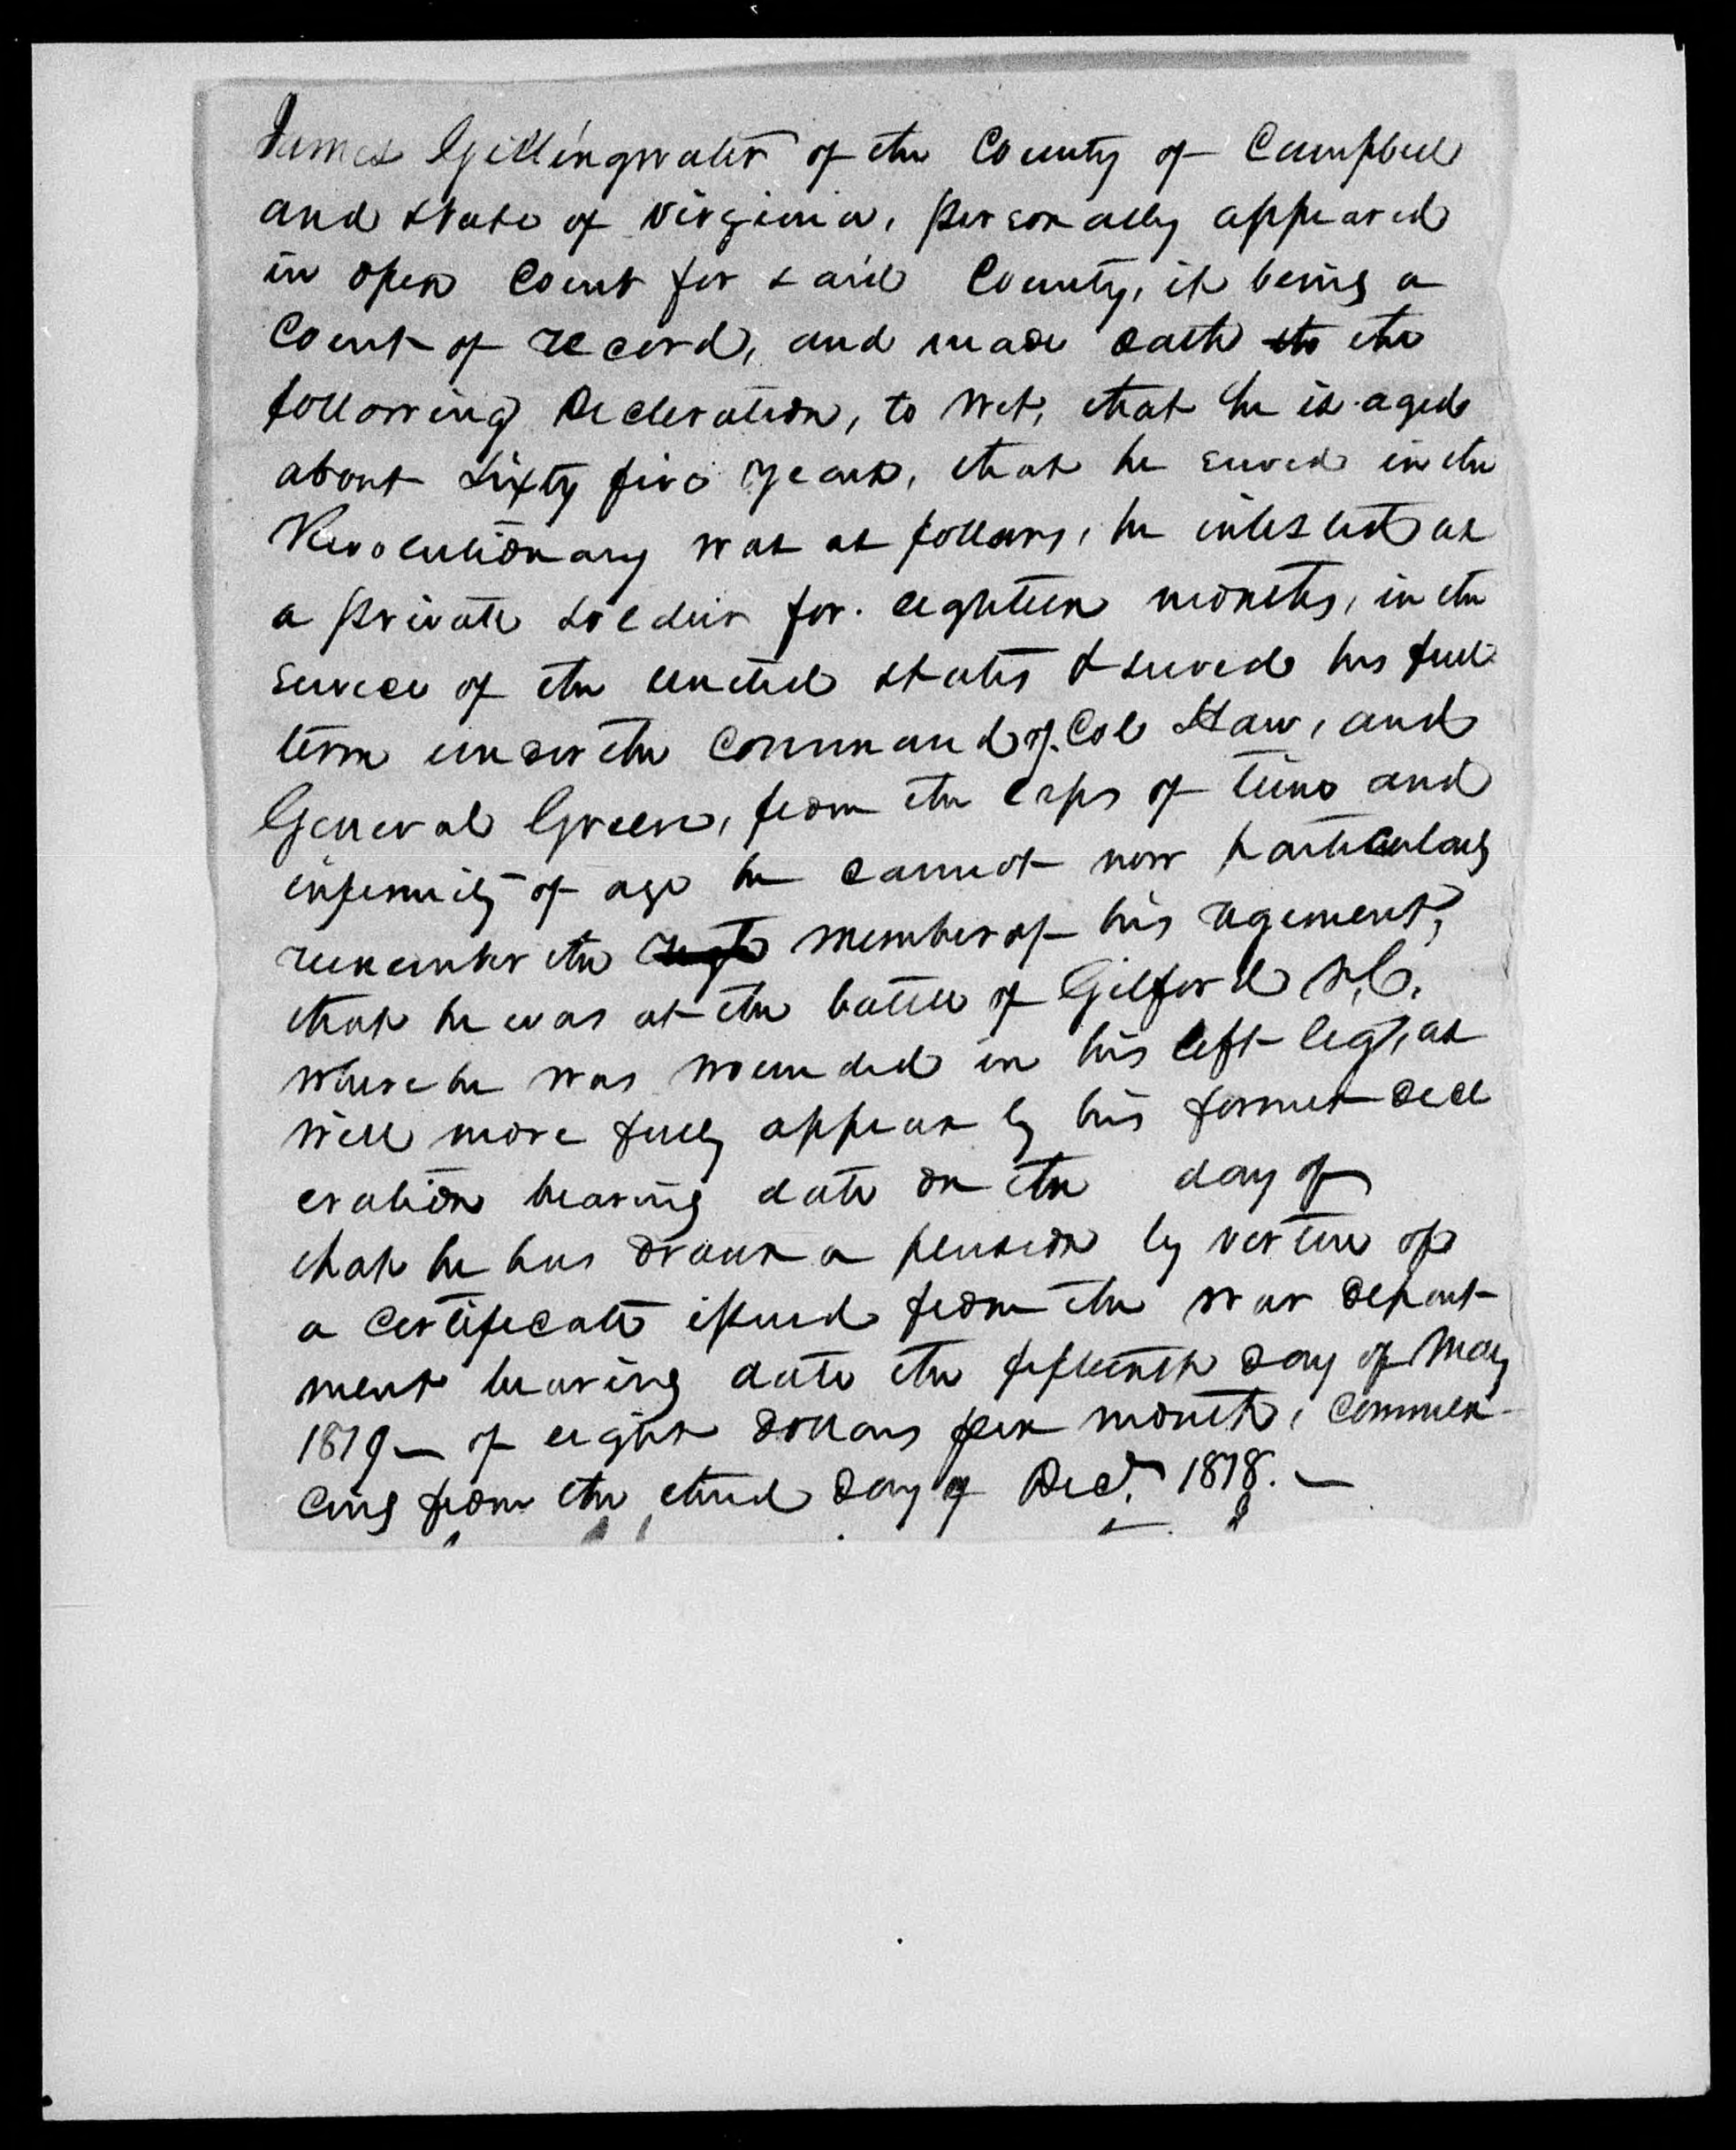James Gillingwater of the County of Campbell and state of Virginia, personally appeared in open court for said County, it being a Court of record, and made oath to the following declaration, to wit, that he is aged about sixty five years, that he served in the Revolutionary War as follows: he inlisted as a private soldier for eighteen months, in the services of the United States & served his full term under the command of Col Haw, and General Green, from the [illegible] of time and infirmity of age he cannot now particularly remember the number of his regiment, that he was at the battle of Gilford N.C. where he was wounded in his left leg, as will more fully appear by his former [illegible]eration hearing date on the day of that he has drawn a pension by virtue of a certificate issued from the war department bearing date the fifteenth day of May 1819 of eight dollars per month; commencing from the third day of Dec 1818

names: James Gillingwater, Green, Haw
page: 5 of 36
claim: survivor's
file: S. 39570, James Gillingwater, Va.